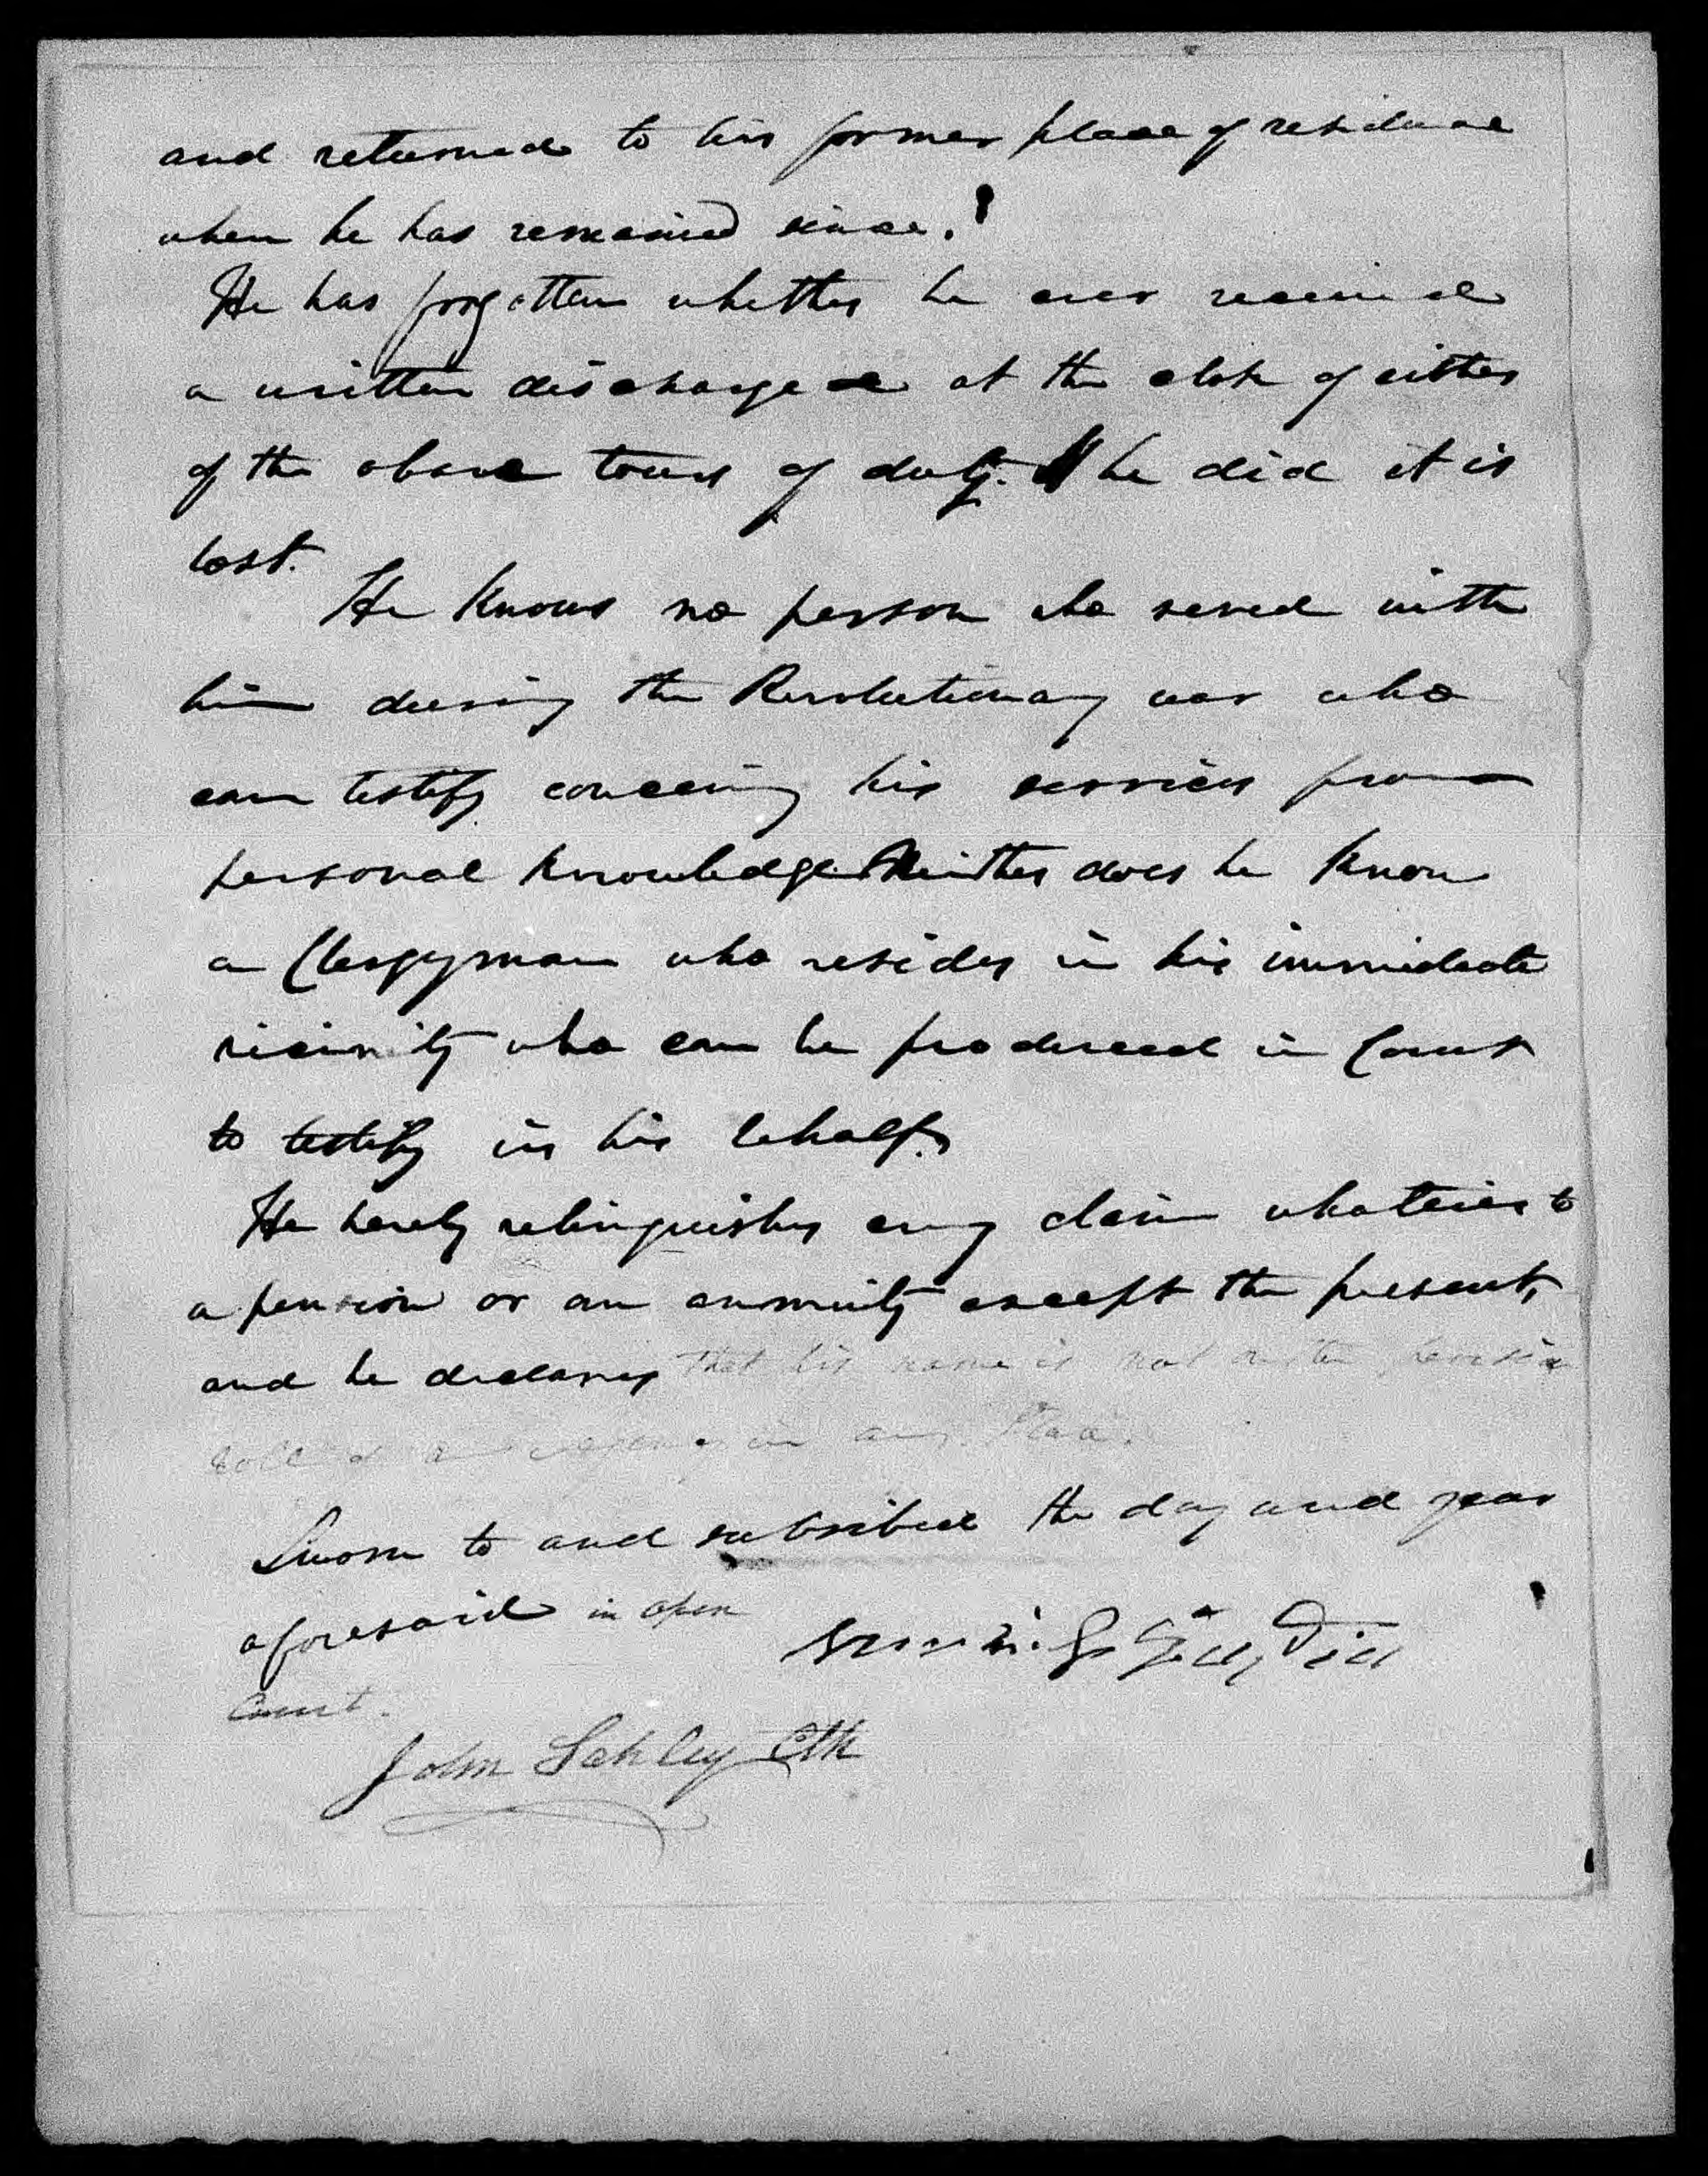and returned to his former place of residence
where he has remained since.

He has forgotten whether he ever received
a written discharge at the [illegible] of either
of the above tours of duty.  If he did it is
lost.

He knows no person who served with
him during the Revolutionary war who
can testify concerning his services from
personal knowledge.  Neither does he know
a Clergyman who resides in his immediate
vicinity who can be produced in Court
to testify in his behalf.

He hereby relinquishes any claim whatever to
a pension or any annuity except the present,
and he declares that his name is not on the pension
role of any agency in any place.

Sworn to and subscribed the day and year
aforesaid in open 
Court.  

[Signature illegible]

John Schley Clk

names: John Schley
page: 5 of 11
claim: survivor's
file: S. 8554, Henry Geasey, Md.